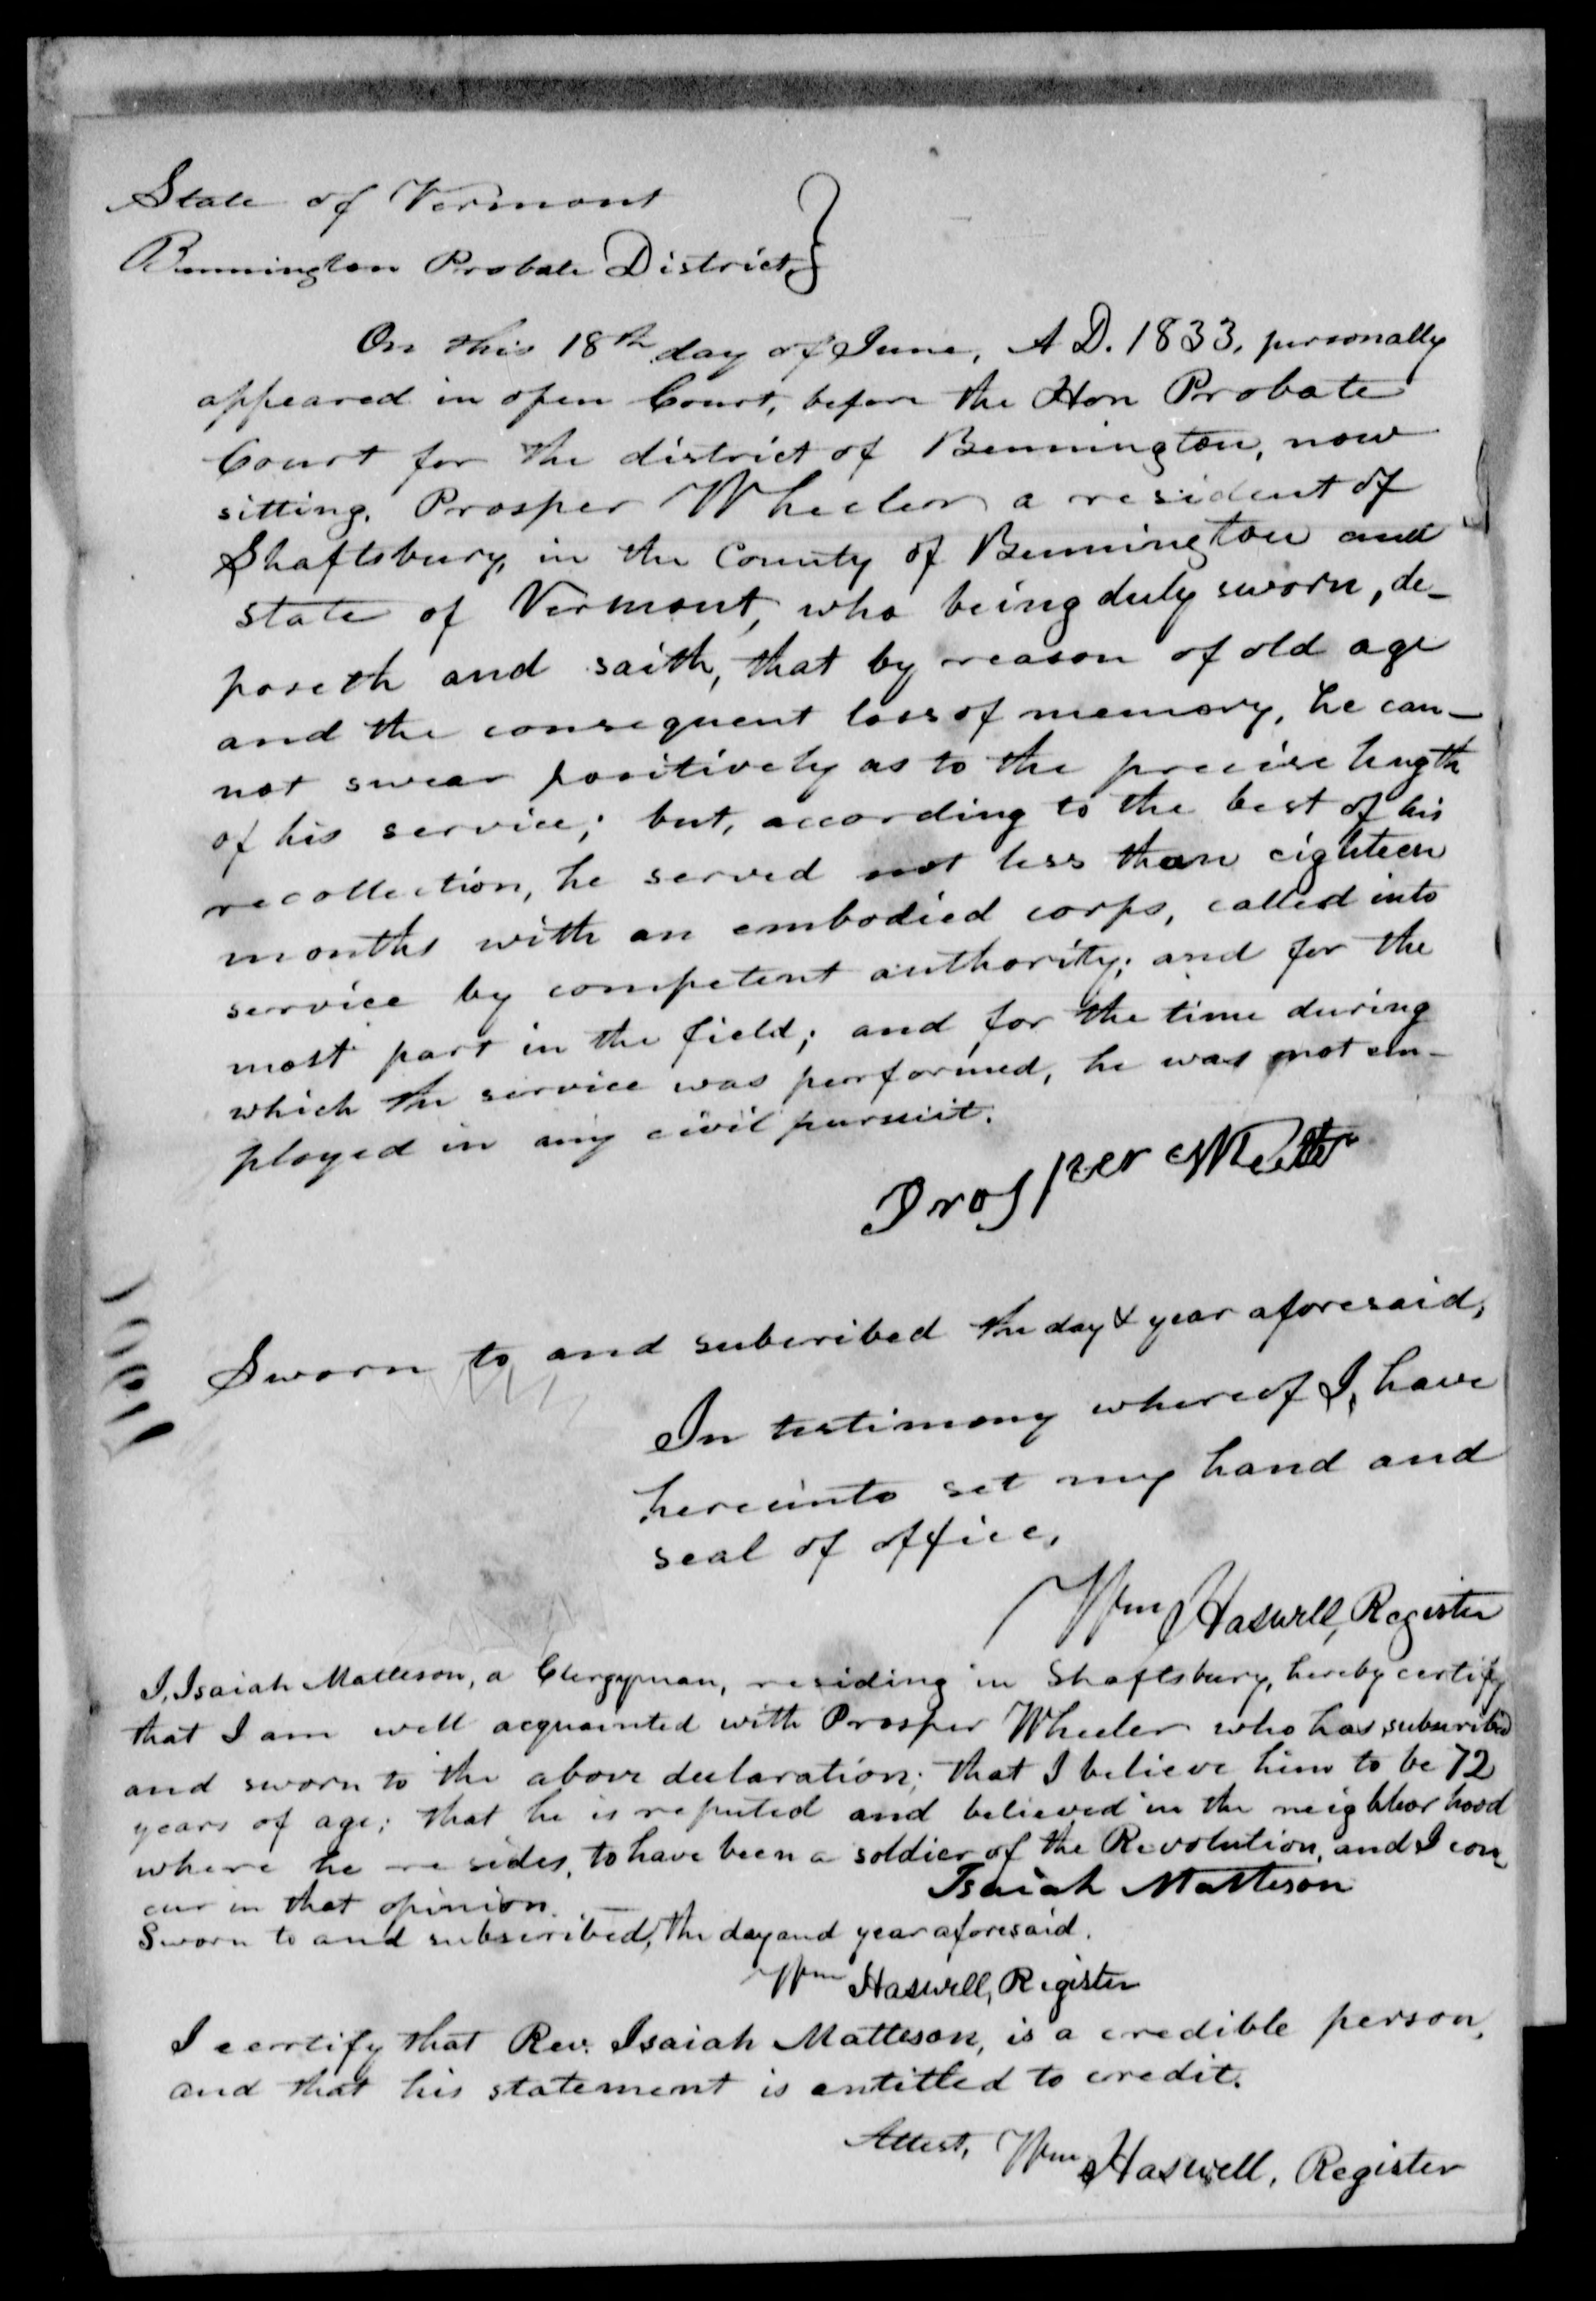State of Vermont
Bennington Probate District⎬ 
On this 18th day of June, A.D. 1833, personally appeared in open Court, before the Hon Probate Court for the district of Bennington, now sitting, Prosper Wheeler a resident of Shaftsbury in the County of Bennington and State of Vermont, who being duly sworn, deposeth and saith, that by reason of old age
and the consequent loss of memory, he cannot swear positively as to the precise length of his service; but, according to the best of his recollection, he served not less than eighteen months with an embodied corps, called into service by competent authority; and for the most part in the field; and for the time during which the service was performed, he was not employed in any civil pursuit.
[signature] Proper Wheeler

Sworn to and subscribed the day & year aforesaid,
In testimony whereof I have hereunto set my hand and seal of office.
[signature] Wm Haswell, Register

[illegible Seal of Office affixed at left]

I, Isaiah Matteson, a Clergyman, residing in Shaftsbury, hereby certify that I am well acquainted with Prosper Wheeler who has subscribed and sworn to the above declaration; that I believe him to be 72 years of age; that he is reputed and believed in the neighborhoodwhere he resides, to have been a soldier of the Revolution, and I concur in that opinion.
[signature] Isaiah Matteson

Sworn to and subscribed, the day and year aforesaid
[signature] Wm Haswell, Register

I certify that Rev. Isaiah Matteson, is a credible person and that his statement is entitled to credit.
Attest, [signature] Wm Haswell, Register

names: Wm Haswell, Isaiah Matteson, Prosper Wheeler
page: 9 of 29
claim: widow's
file: W. 22604, Prosper Wheeler, Conn.